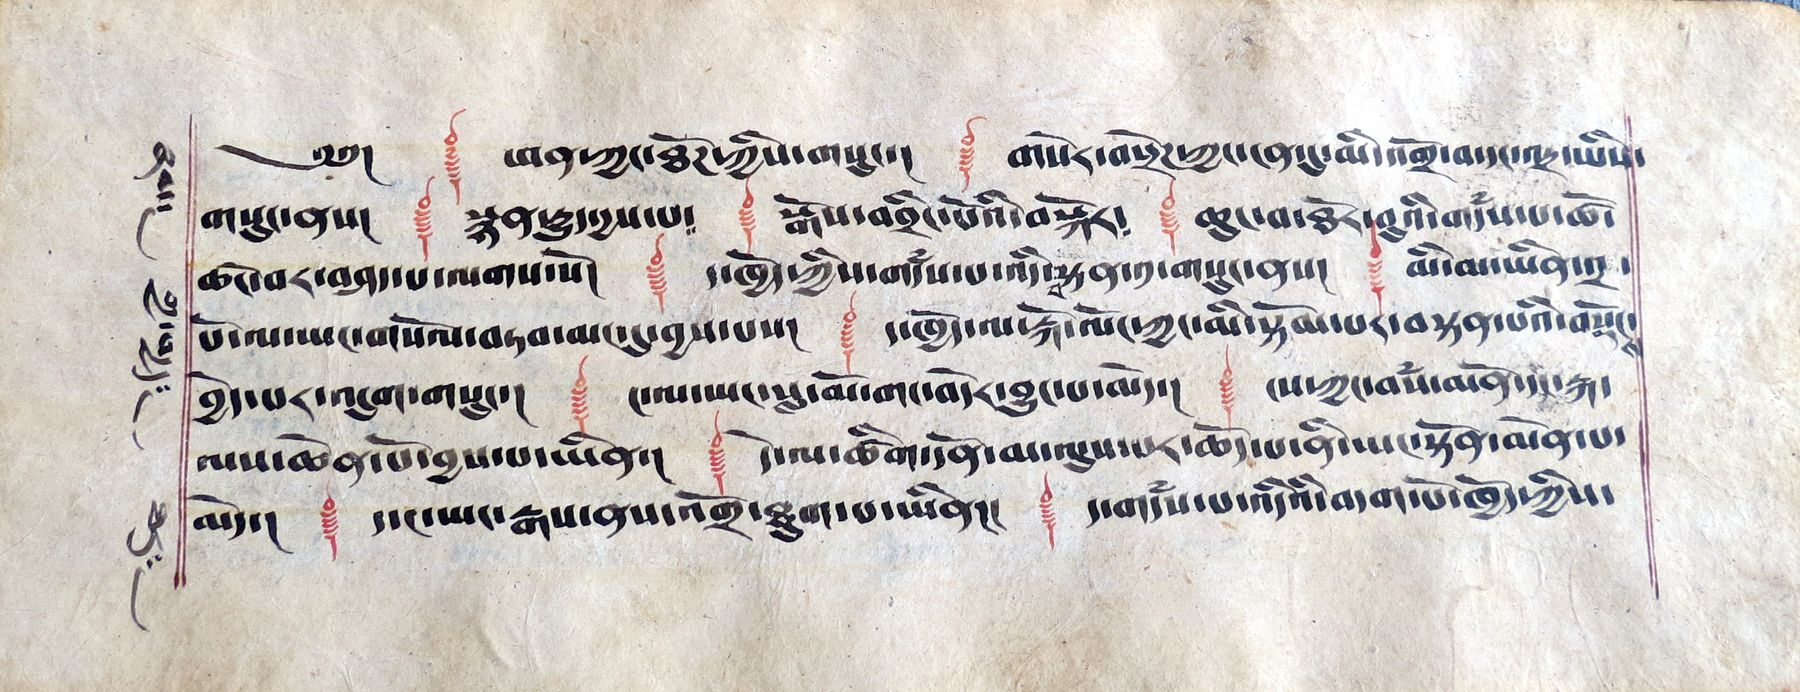ཕན་ཀྱང་ཐོགས་ཀྱི་གསུངས། གསེར་བསྲེགས་ཀྱང་ངན་དུ་མི་འགྲོ་བ་དང་འདྲ་ཡི་
གསུངས་ནས། སྙན་རྒྱུད་རྒྱས་པའི་སྐོར། འབྲིང་པོའི་སྐོར། ཆུང་བ་ཐོར་བུའི་གདམས་པ་ཚོ་
ཚང་བར་བཤད་པ་ལགས་སོ། ། ད་ཁྱོད་ཀྱིས་གདམས་པ་འདི་སྟོན་ཅིག་གསུངས་ནས། མི་མ་ཡིན་གཉིས་
པོ་ལ་ཡང་གསོལ་བཏབ་མང་དུ་བྱས་པས། ད་ཁྱོད་ལ་ཀོ་ལོང་གིས་མི་སྡོམ་པར། བསྟན་པའི་སྡོང་
བྱེད་པར་འདུག་གསུངས། ང་ལ་ཡང་སྔ་མོ་གང་བདེར་བྱུང་བ་མེད། ངས་ཀྱང་བསམ་མནོ་དང་དཀའ་
ལས་ཆེན་པོ་བྱས་པ་ཡིན། དེ་ལ་ཚིག་དོན་མ་ལུས་པར་ཆོད་པ་ནི་ཡང་སྟོན་མིན་པ་
མེད། ད་ང་ཡང་རྒས་ནས་འགྲོ་ཐུག་པ་ཡིན། ད་གདམས་པ་འདི་ཡི་བདག་པོ་ཁྱོད་ཀྱིས་